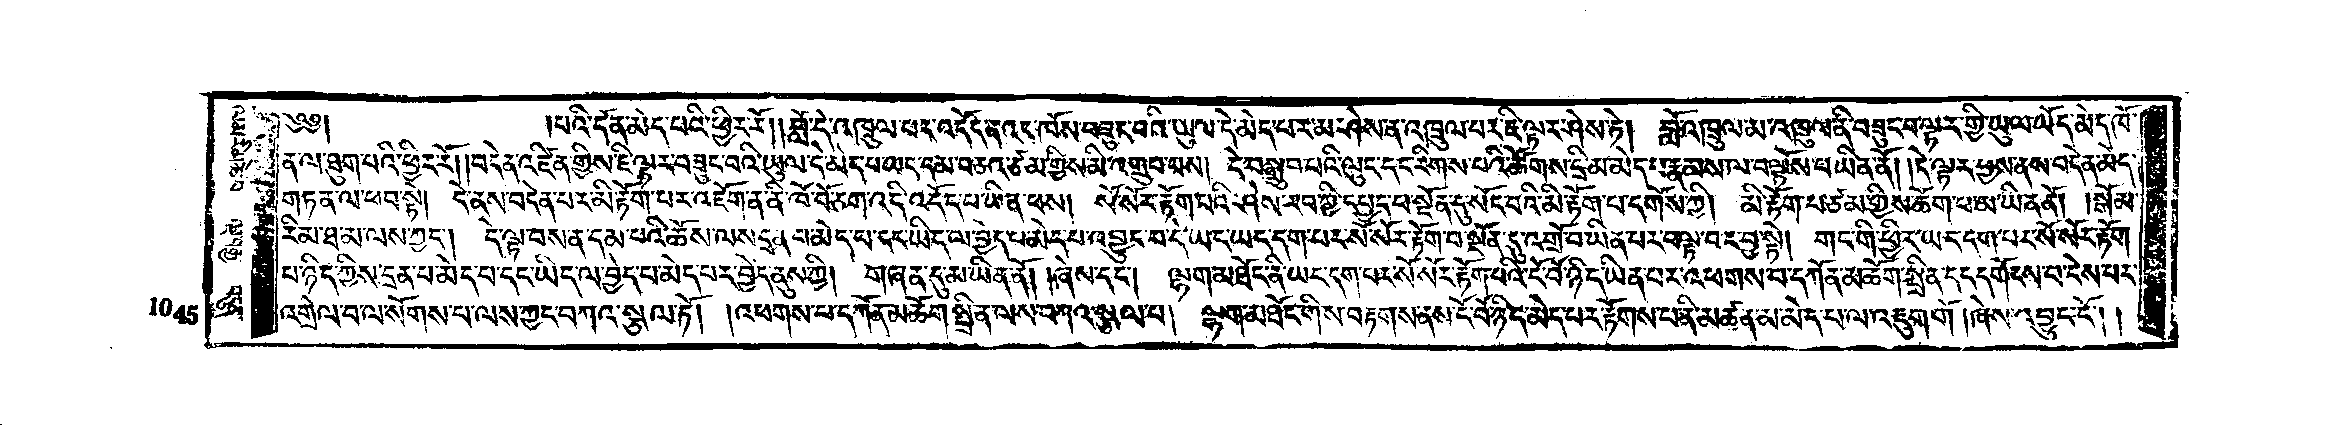༄༅། །པའི་དོན་མེད་པའི་ཕྱིར་རོ། །བློ་དེ་འཁྲུལ་པར་འདོད་ནའང་ཁོས་བཟུང་བའི་ཡུལ་དེ་མེད་པར་མ་ཤེས་ན་འཁྲུལ་པར་ཇི་ལྟར་ཤེས་ཏེ། བློ་འཁྲུལ་མ་འཁྲུལ་ནི་བཟུང་བ་ལྟར་གྱི་ཡུལ་ཡོད་མེད་ཁོ་?
ན་ལ་ཐུག་བའི་ཕྱིར་རོ། །བདེན་འཛིན་གྱིས་ཇི་ལྟར་བཟུང་བའི་ཡུལ་དེ་མེད་པ་ཡང་དམ་བཅའ་ཙམ་གྱིས་མི་འགྲུབ་པས། དེ་བསྒྲུབ་པའི་ལུང་དང་རིགས་པའི་ཚོགས་དྲི་མ་མེད་པ་རྣམས་ལ་བལྟོས་པ་ཡིན་ནོ། །དེ་ལྟར་བྱས་ནས་བདེན་མེད་
གཏན་ལ་ཕབ་སྟེ། དེ་ནས་བདེན་པར་མི་རྟོག་པར་འཇོག་ན་ནི་ཁོ་བོ་ཅག་འདི་འདོད་པ་ཡིན་པས། སོ་སོར་རྟོག་པའི་ཤེས་རབ་ཀྱི་དཔྱད་པ་སྔོན་དུ་སོང་བའི་མི་རྟོག་པ་དགོས་ཀྱི། མི་རྟོག་པ་ཙམ་གྱིས་ཆོག་པ་མ་ཡིན་ནོ། །སྒོམ་
རིམ་ཐ་མ་ལས་ཀྱང་། དེ་ལྟ་བསན་དམ་པའི་ཆོས་ལས་དྲན་པ་མེད་པ་དང་ཡིད་ལ་བྱེད་པ་མེད་པ་འབྱུང་བ་དེ་ཡང་ཡང་དག་པར་སོ་སོར་རྟོག་པ་སྔོན་དུ་འགྲོ་བ་ཡིན་པར་བལྟ་བར་བྱ་སྟེ། གང་གི་ཕྱིར་ཡང་དག་པར་སོ་སོར་རྟོག་
པ་ཉིད་ཀྱིས་དྲན་པ་མེད་པ་དང་ཡིད་ལ་བྱེད་པ་མེད་པར་བྱེད་ནུས་ཀྱི། གཞན་དུ་མ་ཡིན་ནོ། །ཞེས་དང་། ལྷག་མཐོང་ནི་ཡང་དག་པར་སོ་སོར་རྟོག་པའི་ངོ་བོ་ཉིད་ཡིན་པར་འཕགས་པ་དཀོན་མཆོག་སྤྲིན་དང་དགོངས་པ་ངེས་པར་
འགྲེལ་བ་ལ་སོགས་པ་ལས་ཀྱང་བཀའ་སྩལ་ཏོ། །འཕགས་པ་དཀོན་མཆོག་སྤྲིན་ལས་བཀའ་སྩལ་པ། ལྷག་མཐོང་གིས་བརྟགས་ནས་ངོ་བོ་ཉིད་མེད་པར་རྟོགས་པ་ནི་མཚན་མ་མེད་པ་ལ་འཇུག་གོ། །ཞེས་འབྱུང་ངོ། །